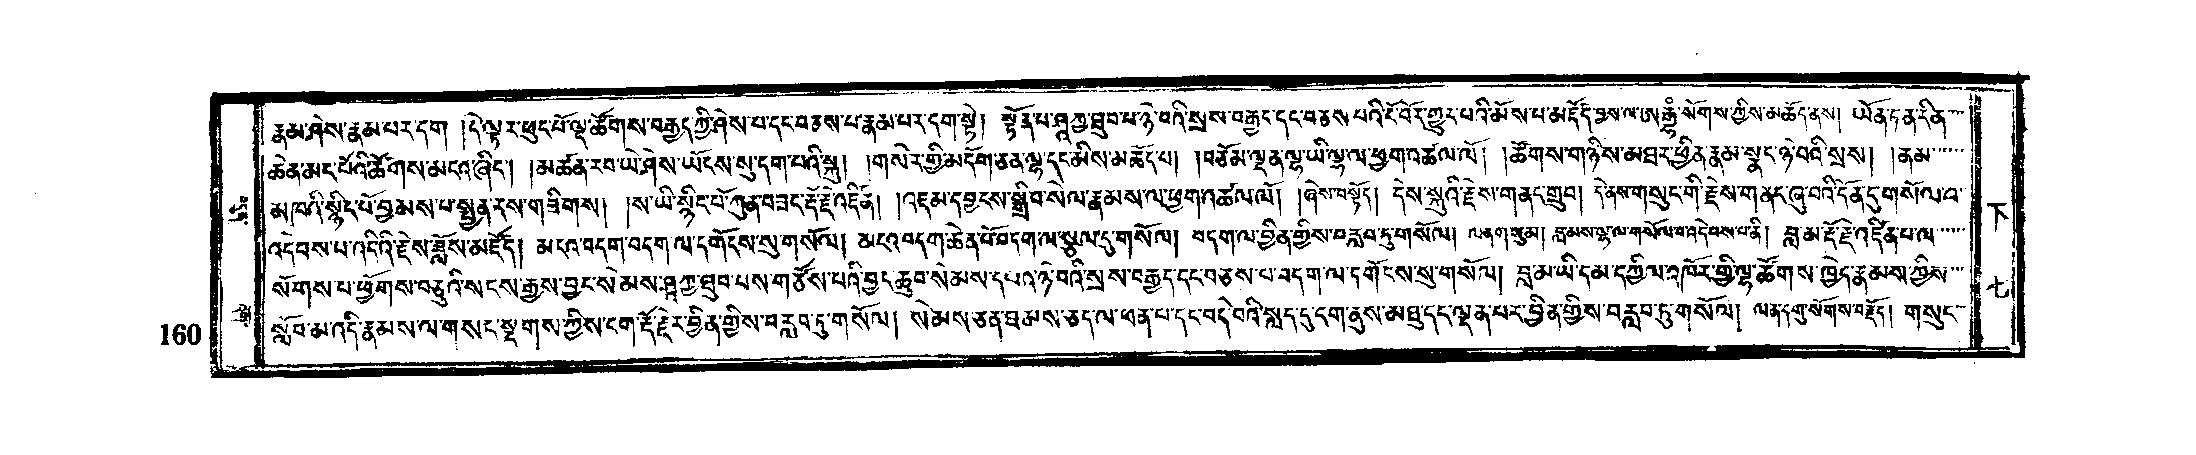རྣམ་ཤེས་རྣམ་པར་དག །དེ་ལྟར་ཕུང་པོ་ལྔ་ཚོགས་བརྒྱད་ཀྱི་ཤེས་པ་དང་བཅས་པ་རྣམ་པར་དག་སྟེ། སྟོན་པ་ཤཱཀྱ་ཐུབ་པ་ཉེ་བའི་སྲས་བརྒྱད་དང་བཅས་པའི་ངོ་བོར་གྱུར་པའི་མོས་པ་མཛོད་བྱས་ལ་ཨརྒྷཾ་སོགས་ཀྱིས་མཆོད་ནས། ཡོན་ཏན་རིན་
ཆེན་མང་པོའི་ཚོགས་མངའ་ཞིང་། །མཚན་རབ་ཡེ་ཤེས་ཡོངས་སུ་དག་པའི་སྐུ། །གསེར་གྱི་མདོག་ཅན་ལྷ་དང་མིས་མཆོད་པ། །བཅོམ་ལྡན་ལྷ་ཡི་ལྷ་ལ་ཕྱག་འཚལ་ལོ། །ཚོགས་གཉིས་མཐར་ཕྱིན་རྣམ་སྣང་ཉེ་བའི་སྲས། །ནམ་
མཁའི་སྙིང་པོ་བྱམས་པ་སྤྱན་རས་གཟིགས། །ས་ཡི་སྙིང་པོ་ཀུན་བཟང་རྡོ་རྗེ་འཛིན། །འཇམ་དབྱངས་སྒྲིབ་སེལ་རྣམས་ལ་ཕྱག་འཚལ་ལོ། །ཞེས་བསྟོད། དེས་སྐུའི་རྗེས་གནང་གྲུབ། དེ་ནས་གསུང་གི་རྗེས་གནང་ཞུ་བའི་དོན་དུ་གསོལ་བ་
འདེབས་པ་འདིའི་རྗེས་ཟློས་མཛོད། མངའ་བདག་བདག་ལ་དགོངས་སུ་གསོལ། མངའ་བདག་ཆེན་པོ་བདག་ལ་སྩལ་དུ་གསོལ། བདག་ལ་བྱིན་གྱིས་བརླབ་ཏུ་གསོལ། ལན་གསུམ། བླ་མས་ལྷ་ལ་གསོལ་བ་འདེབས་པ་ནི། བླ་མ་རྡོ་རྗེ་འཛིན་པ་ལ་
སོགས་པ་ཕྱོགས་བཅུའི་སངས་རྒྱས་བྱང་སེམས་ཤཱཀྱ་ཐུབ་པས་གཙོས་པའི་བྱང་ཆུབ་སེམས་དཔའ་ཉེ་བའི་སྲས་བརྒྱད་དང་བཅས་པ་བདག་ལ་དགོངས་སུ་གསོལ། བླ་མ་ཡི་དམ་དཀྱིལ་འཁོར་གྱི་ལྷ་ཚོགས་ཁྱེད་རྣམས་ཀྱིས་
སློབ་མ་འདི་རྣམས་ལ་གསང་སྔགས་ཀྱིས་ངག་རྡོ་རྗེར་བྱིན་གྱིས་བརླབ་ཏུ་གསོལ། སེམས་ཅན་ཐམས་ཅད་ལ་ཕན་པ་དང་བདེ་བའི་སླད་དུ་མགག་ནུས་མཐུ་དང་ལྡན་པར་བྱིན་གྱིས་བརླབ་ཏུ་གསོལ། ལན་དགུ་སོགས་བརྗོད། གསུང་